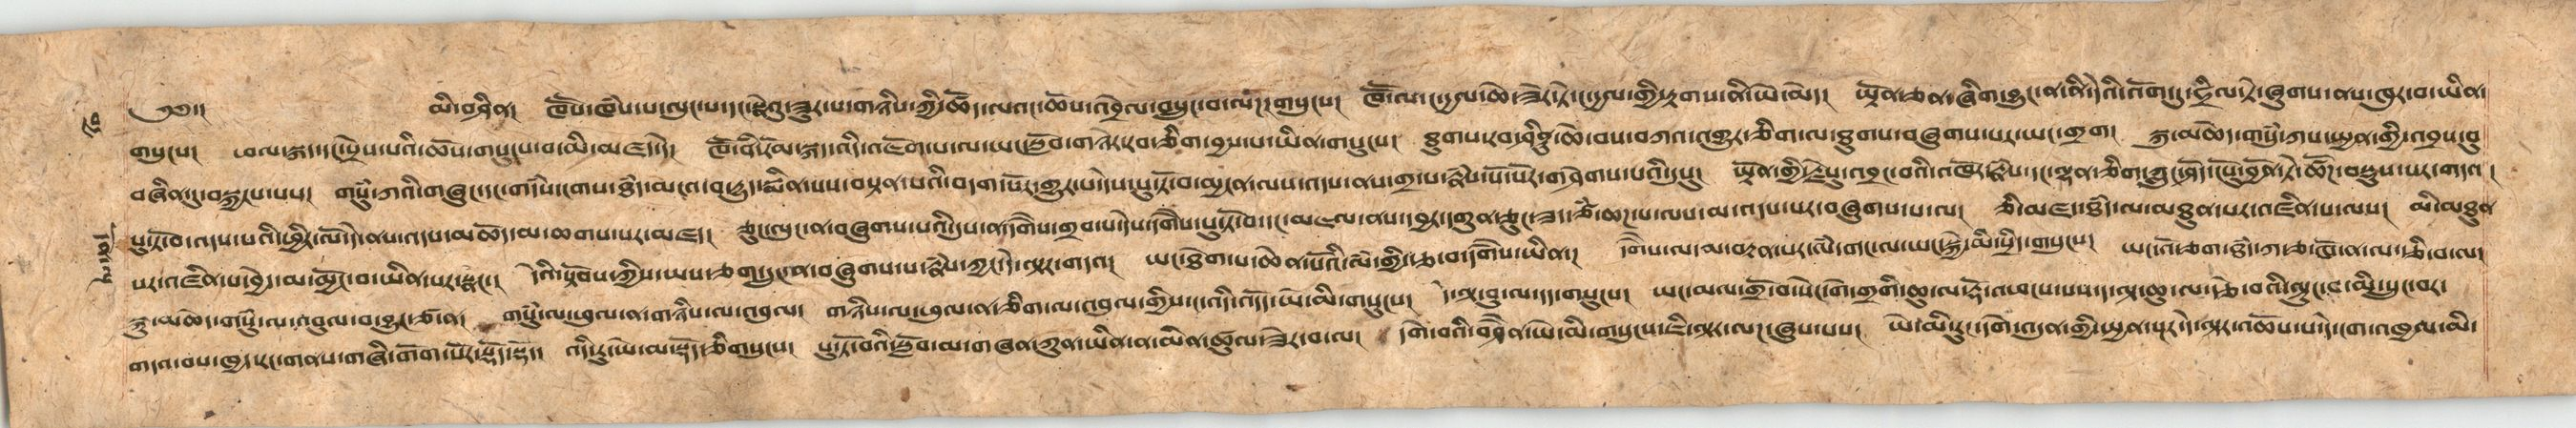མི་བཤིན། ཁཽས་ཁཾས་པ་ལུང་པ་དང་སྣེའུ་ཟུར་པ་གཉིས་ཀྱི་ཚོད་ལའང་ཆོས་འབྲེལ་བསྲུང་བ་ལཌ་གསུངས། ཁཽ་ལ་ང་དྱལ་ཆེ་ཟེར་ཏེ་ང་དྱལ་གྱི་རྟགས་ནི་ཡེ་མེད། ཡྟོན་ཅན་ཞིག་བྱུང་ན་ནི་དེའི་འོག་དུ་ཧྲིལ་ཏེ་ཞུགས་ནས་ཁུར་བ་ཡིན་
གསུངས། ཕལ་སྐད་དང་སྲེས་པའི་ཆོས་གསུངས་བ་མི་མཛད་དེ། ཁཽ་ནི་རོམ་སྐད་འདི་འཇོག་པ་ལ་ཡང་སློབ་གཉེར་རབ་ཅིག་བྱས་པ་ཡིན་གསུངས། ཐུགས་རབ་ཤིནྟུ་ཆེ་བས་བཀའ་འགྱུར་ཅིག་ལ་ཐུགས་བཞུགས་པར་ཡང་གྲག། སྐུ་མཆེད་གསུཾ་ཀས་སྤྱན་གྱི་འབྲས་བུ
བཞིན་དུ་བསྐྱངས་པས། གསུཾ་ཀའི་གཞུང་དང་གདཾས་ངག་ཐཾད་མངའ་བ་དྱུད་སྨིན་པས་བསྟན་པའི་བདག་པོར་གྱུར་པ་དེས་པུ་ཏོ་བ་མྱངན་ལས་འདས་ནས་གྲ་པ་རྣཾས་སོ་སོར་གཤེགས་པའི་དུསུ། ཡྟོན་གྱི་རྗེསུ་འབྲང་བའི་འཁོར་རྣཾས་དང་ལྷན་ཅིག་ཀླུང་ཤོད་ངོསུ་བྱོན་ཏེ་ཚོཌ་བསྡུས་པར་གདའ།
པུ་ཏོ་བ་འདས་པའི་ཕྱིར་ལོ་དེ་ནས་འདས་མཆོད་མ་ཆགས་པར་མཛད། ཅུང་ལུང་ན་བཞུགས་པའི་དུས་ན་དགཻས་གྲབ་པ་དེས་དགཻས་པུ་ཏོ་བ་དང་མཇལ་ནས་དབྱར་དགུན་ཅུང་ཟད་ཙཾ་ཆཌ་པ་ལས་མ་འདས་པར་བཞུགས་པ་ལ། ཅི་མཛད་ཐཾད་ལ་མཐུན་པར་འཛིན་པ་ལས། མི་མཐུན་
པར་འཛིན་པ་བྱེད་མ་མྱོང་བ་ཡིན་པར་སྣང་། དེའི་སྟོབས་ཀྱིས་ཡས་ཅག་དྲུང་ན་བཞུགས་པ་རྣཾས་ཀྱང་དེ་ལྟར་གདའ། ཡང་ཐེག་པ་ཆེན་པོའི་ལཾ་གྱི་རྩ་བ་དགཻས་ཡིན་། དགཻས་ལ་མ་བརྟེན་པར་ལཾ་གང་ལ་ཡང་སྐྱེ་མི་སྲིད་གསུངས། ཡང་འོ་ཅག་ཐཾད་ཀ་རྩ་ཁོ་ན་ལ་རྩི་བ་ལ་
སྐུ་མཆེད་གསུཾ་ལ་འབུལ་བ་བྱུང་ཙ་ན། གསུཾ་ལ་ཕུལ་ན་གཉིས་ལ་འབུལ། གཉིས་ལ་ཕུལ་ན་ཅིག་ལ་འབུལ་གྱིས་ང་འདི་འདོད་ཡེ་མི་གསུངས། དེ་ལྟ་བུ་ལ་དད་གསུངས། ཡང་མལ་གྲོ་བ་སེང་གེ་གྲགི་ཆུ་ལ་རྡོ་འཕངས་པསད་ལྟ་ཆུ་ལ་རྩེ་བའི་ལྟུང་བ་མི་སྲུང་བར་
གདའ་བས་ཁྱད་རང་གནས་གཞི་གོག་པོར་སྡོད་སྡོད་ འདི་རུ་ཡེ་མ་སྡོད་ཅིགསུངས། པུ་ཏོ་བའི་སློབ་མ་གཞན་ཀུན་ཡིན་ན་མིན་ཚུལ་ཟེར་བ་ལ། དགེ་བའི་བཤཻན་ཡེ་མི་གསུངས་ཇི་ལྟར་ལཌ་ཞུས་པས། ཡེ་མི་རུང་དགེ་འདུན་གྱི་སྤྱན་སྔར་དེ་ལྟར་འཆོས་པ་དེ་ངག་འཁྱལ་མི་